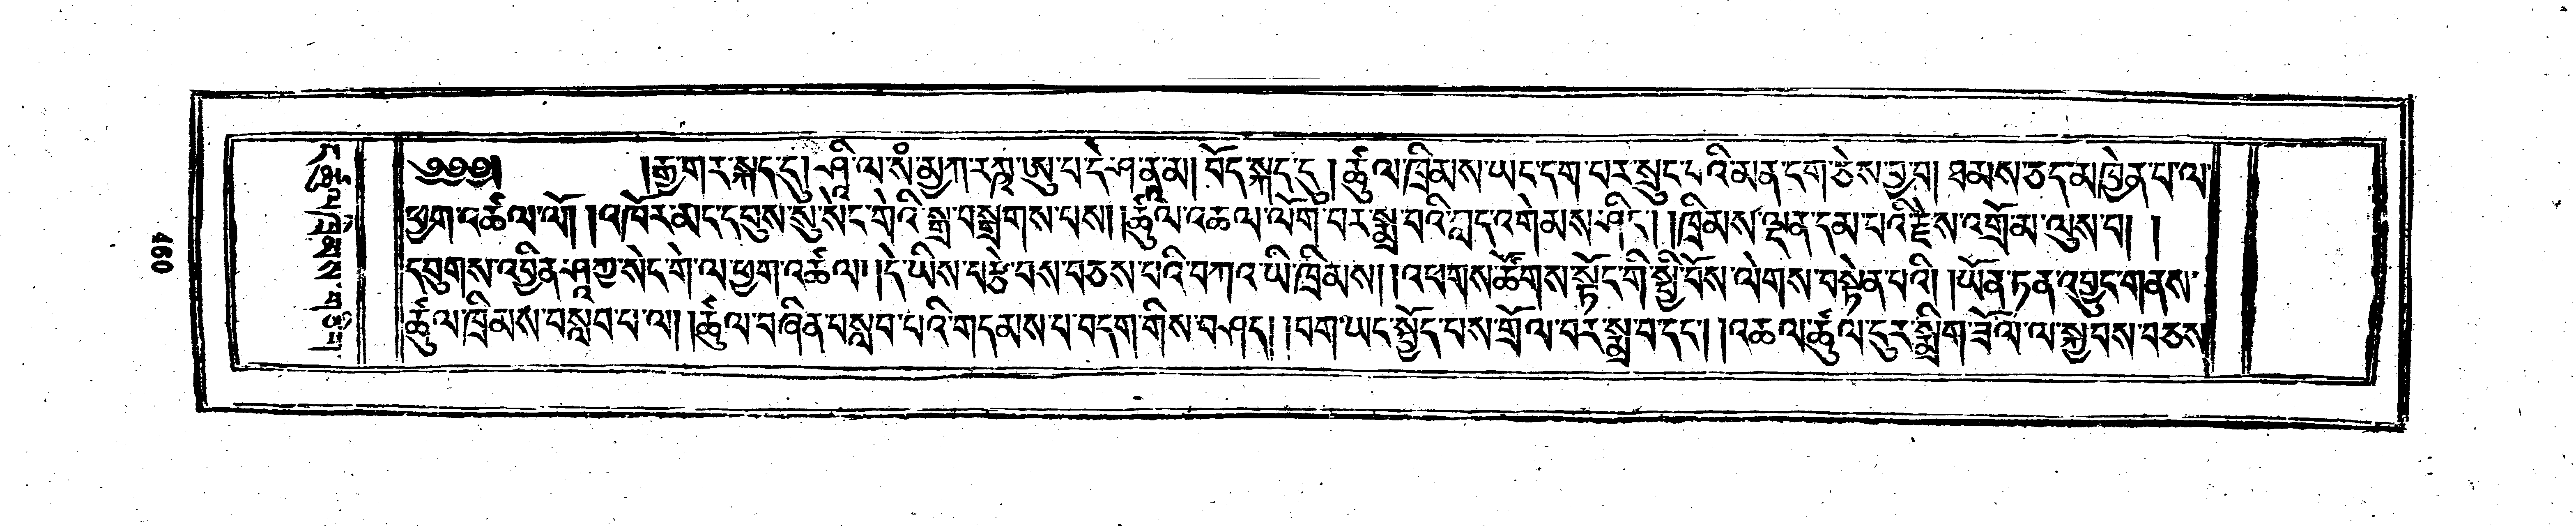༄༅༅། །རྒྱ་གར་སྐད་དུ། ཤཱི་ལ་སཾ་མྱཀ་རཀྵ་ཨུ་པ་དེ་ཤ་ནཱ་མ། བོད་སྐད་དུ། ཚུལ་ཁྲིམས་ཡང་དག་པར་སྲུང་བའི་མན་ངག་ཅེས་བྱ་བ། ཐམས་ཅད་མཁྱེན་པ་ལ་
ཕྱག་འཚལ་ལོ། །འཁོར་མང་དབུས་སུ་སེང་གེའི་སྒྲ་བསྒྲགས་པས། །ཚུལ་འཆལ་ལོག་པར་སྨྲ་བའི་ཀླད་འགེམས་ཤིང་། །ཁྲིམས་ལྡན་དམ་པའི་རྗེས་འགྲོ་མ་ལུས་པ། །
དབུགས་འབྱིན་ཤཱཀྱ་སེང་གེ་ལ་ཕྱག་འཚལ། །དེ་ཡིས་བརྩེ་བས་བཅས་པའི་བཀའ་ཡི་ཁྲིམས། །འཕགས་ཚོགས་སྟོང་གི་སྤྱི་བོས་ལེགས་བསྟེན་པའི། །ཡོན་ཏན་འབྱུང་གནས་
ཚུལ་ཁྲིམས་བསླབ་པ་ལ། །ཚུལ་བཞིན་བསླབ་པའི་གདམས་པ་བདག་གིས་བཤད། །བག་ཡང་སྤྱོད་པས་གྲོལ་བར་སྨྲ་བ་དང་། །འཆལ་ཚུལ་དུར་སྨྲིག་ཟོལ་ལ་སྐྱབས་བཅས་